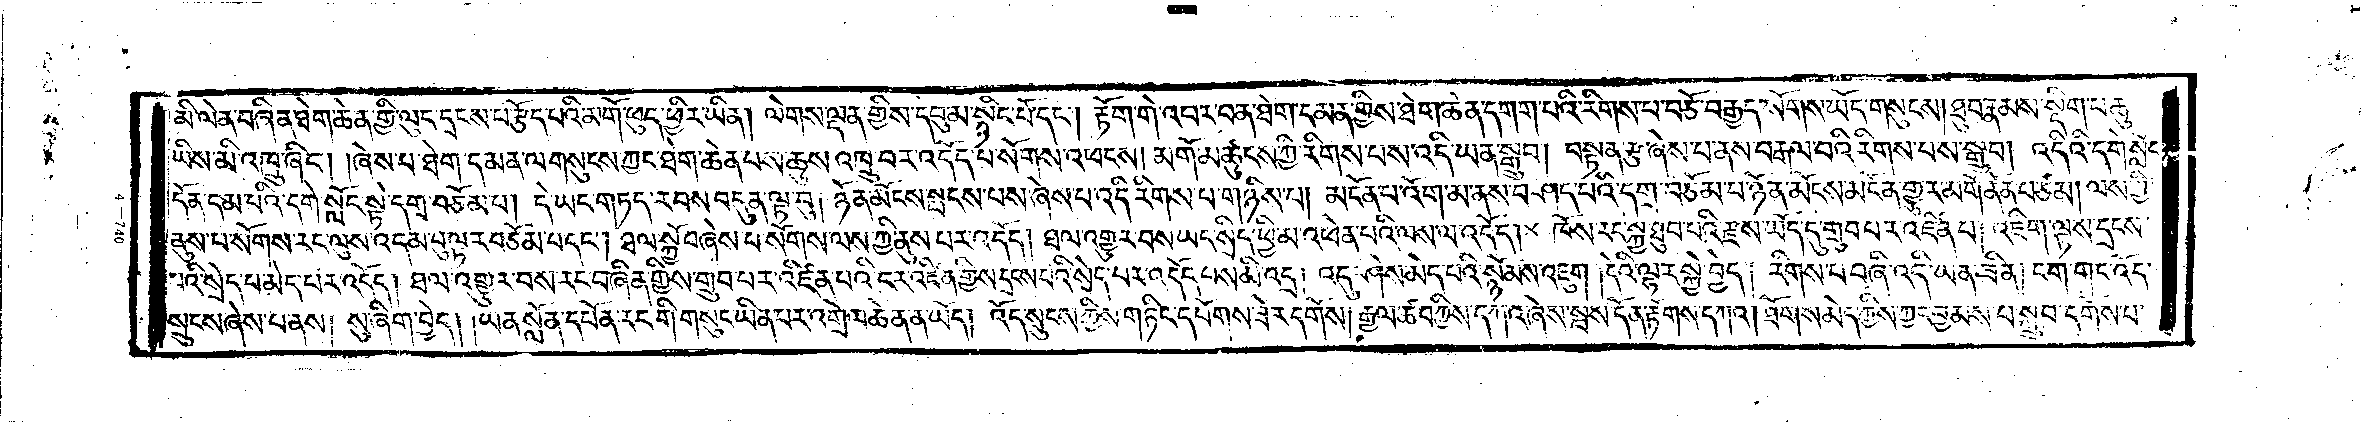མི་ལེན་བཞིན་ཐེག་ཆེན་གྱི་ལུང་དྲངས་པ་རྩོད་པའི་མགོ་ཕུད་ཕྱིར་ཡིན། ལེགས་ལྡན་གྱིས་དབུ་མ་སྙིང་པོ་དང་། རྟོག་གེ་འབར་བན་ཐེག་དམན་གྱིས་ཐེག་ཆེན་དགག་པའི་རིགས་པ་བཅོ་བརྒྱད་སོགས་ཡོད་གསུངས། ཐུབ་རྣམས་སྡིག་པ་ཆུ་
ཡིས་མི་འཁྲུ་ཞིང་། །ཞེས་པ་ཐེག་དམན་ལ་གསུངས་ཀྱང་ཐེག་ཆེན་པས་ཆུས་འཁྲུ་བར་འདོད་པ་སོགས་འཕངས། མགོ་མཚུངས་ཀྱི་རིགས་པས་འདི་ཡན་སྒྲུབ། བསྟན་རྩ་ཞེས་པ་ནས་བརྒལ་བའི་རིགས་པས་སྒྲུབ། འདིའི་དགེ་སློང་
དོན་དམ་པའི་དགེ་སློང་སྟེ་དགྲ་བཅོམ་པ། དེ་ཡང་གཏད་རབས་བདུན་ལྟ་བུ། ཉོན་མོངས་སྤངས་པས་ཞེས་པ་འདི་རིགས་པ་གཉིས་པ། མངོན་པ་འོག་མ་ནས་བཤད་པའི་དགྲ་བཅོམ་པ་ཉོན་མོངས་མངོན་གྱུར་མགོ་ནོན་པ་ཙམ། ལས་ཀྱི་
ནུས་པ་སོགས་རང་ལུས་འདམ་བུ་ལྟར་བཅོམ་པ་དང་། ཐལ་སྐྱོབ་ཞེས་པ་སོགས་ལས་ཀྱི་ནུས་པར་འདོད། ཐལ་འགྱུར་བས་ཡང་སྲིད་ཕྱིམ་འཕེན་པའི་ལས་ལ་འདོད། ྾་ཁོས་རང་སྐྱ་ཐུབ་པའི་རྫས་ཡོད་དུ་གྲུབ་པར་འཛིན་པ། འཇིག་ལྟས་དྲངས་
པའི་སྲེད་པ་མེད་པར་འདོད། ཐལ་འགྱུར་བས་རང་བཞིན་གྱིས་གྲུབ་པར་འཛིན་པའི་ངར་འཛིན་གྱིས་དྲངས་པའི་སྲེད་པར་འདོད་པས་མི་འདྲ། འདུ་ཤེས་མེད་པའི་སྙོམས་འཇུག །དེའི་ལྷར་སྐྱེ་བྱེད། རིགས་པ་བཞི་འདི་ཡན་ཟིན། ངག་གང་འོད་
སྲུངས་ཞེས་པ་ནས། སུ་ཞིག་བྱེད། །ཡན་སློན་དཔོན་རང་གི་གསུང་ཡིན་པར་འགྲེལ་ཆེན་ན་ཡོད། འོད་སྲུངས་ཀྱིས་གཏིང་དཔོགས་ཟེར་དགོས། རྒྱལ་ཚབ་ཀྱིས་དཀའ་ཞེས་སྦས་དོན་རྟོགས་དཀའ། ཐོགས་མེད་ཀྱིས་ཀྱང་བྱམས་པ་སྒྲུབ་དགོས་པ་